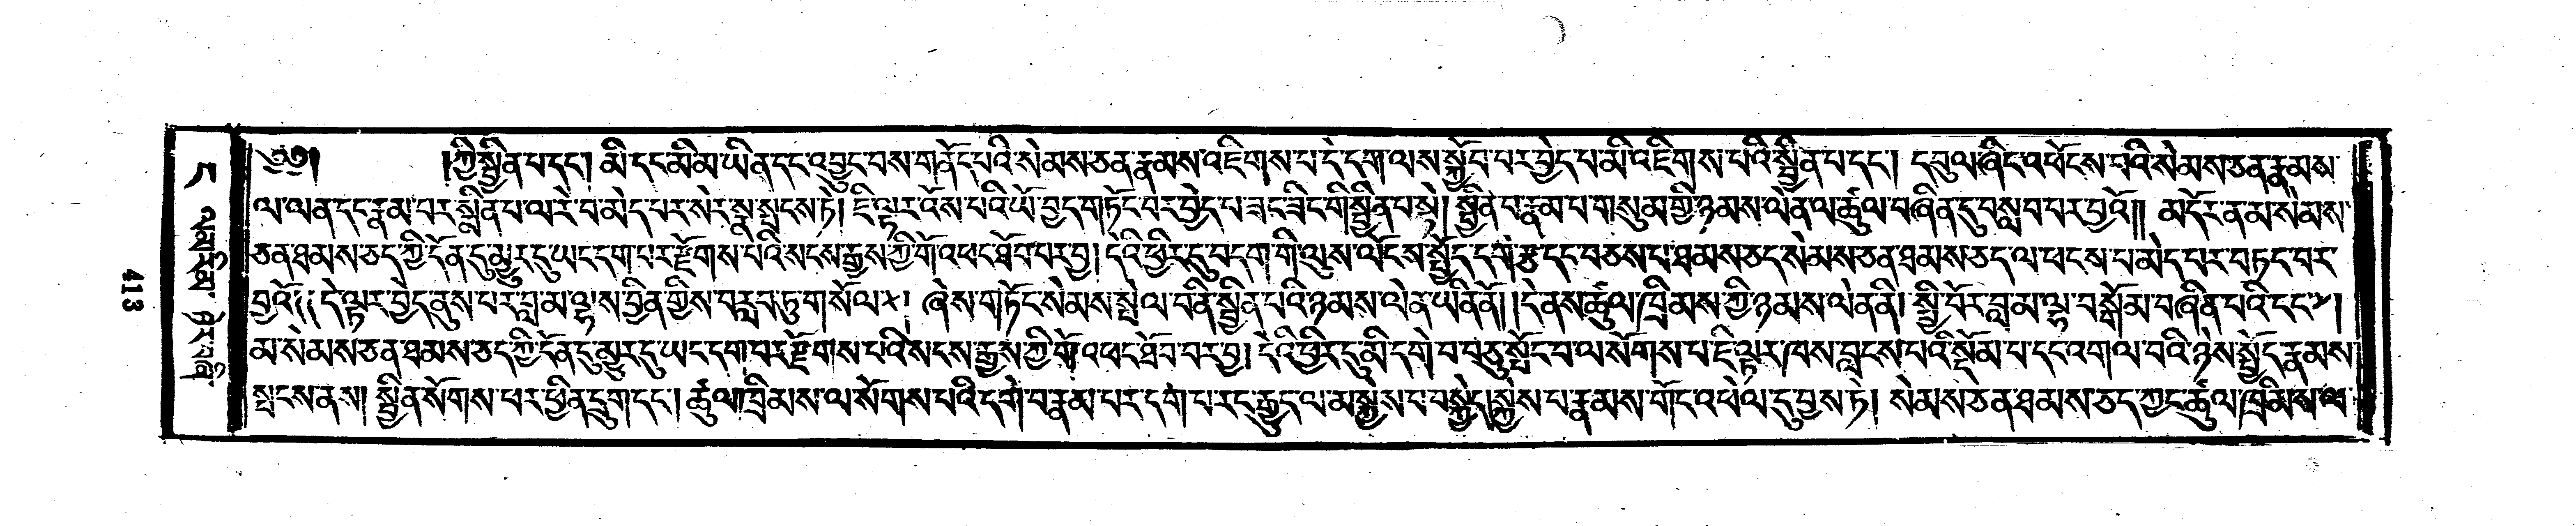༄༅། །ཀྱི་སྦྱིན་པ་དང་། མི་དང་མི་མ་ཡིན་དང་འབྱུང་བས་གནོད་པའི་སེམས་ཅན་རྣམས་འཇིགས་པ་དེ་དག་ལས་སྐྱོབ་པར་བྱེད་པ་མི་འཇིགས་པའི་སྦྱིན་པ་དང་། དབུལ་ཞིང་འཕོངས་པའི་སེམས་ཅན་རྣམས་
ལ་ལན་དང་རྣམ་པར་སྨིན་པ་ལ་རེ་བ་མེད་པར་སེར་སྣ་སྤངས་ཏེ། ཇི་ལྟར་འོས་པའི་ཡོ་བྱད་གཏོང་བར་བྱེད་པ་ཟང་ཟིང་གི་སྦྱིན་པ་སྟེ། སྦྱིན་པ་རྣམ་པ་གསུམ་གྱི་ཉམས་ལེན་ལ་ཚུལ་བཞིན་དུ་བསླབ་པར་བྱའོ། །མདོར་ན་མ་སེམས་
ཅན་ཐམས་ཅད་ཀྱི་དོན་དུ་མྱུར་དུ་ཡང་དག་པར་རྫོགས་པའི་སངས་རྒྱས་ཀྱི་གོ་འཕང་ཐོབ་པར་བྱ། དེའི་ཕྱིར་དུ་བདག་གི་ལུས་ལོངས་སྤྱོད་དགེ་རྩ་དང་བཅས་པ་ཐམས་ཅད་སེམས་ཅན་ཐམས་ཅད་ལ་ཕངས་པ་མེད་པར་བཏང་བར་
བྱའོ། །དེ་ལྟར་བྱེད་ནུས་པར་བླ་མ་ལྷས་བྱིན་གྱིས་བརླབ་ཏུ་གསོལ་྾། ཞེས་གཏོང་སེམས་སྤེལ་བ་ནི་སྦྱིན་པའི་ཉམས་ལེན་ཡིན་ནོ། །དེ་ནས་ཚུལ་ཁྲིམས་ཀྱི་ཉམས་ལེན་ནི། སྤྱི་བོར་བླ་མ་ལྷ་བསྒོམ་བཞིན་པའི་ངང་྾།
མ་སེམས་ཅན་ཐམས་ཅད་ཀྱི་དོན་དུ་མྱུར་དུ་ཡང་དག་པར་རྫོགས་པའི་སངས་རྒྱས་ཀྱི་གོ་འཕང་ཐོབ་པར་བྱ། དེའི་ཕྱིར་དུ་མི་དགེ་བ་བཅུ་སྤོང་བ་ལ་སོགས་པ་ཇི་ལྟར་ཁས་བླངས་པའི་སྡོམ་པ་དང་འགལ་བའི་ཉེས་སྤྱོད་རྣམས་
སྤངས་ནས། སྦྱིན་སོགས་ཕར་ཕྱིན་དྲུག་དང་། ཚུལ་ཁྲིམས་ལ་སོགས་པའི་དགེ་བ་རྣམ་པར་དག་པ་རང་རྒྱུད་ལ་མ་སྐྱེས་པ་བསྐྱེད། སྐྱེས་པ་རྣམས་གོང་འཕེལ་དུ་བྱས་ཏེ། སེམས་ཅན་ཐམས་ཅད་ཀྱང་ཚུལ་ཁྲིམས་ལ་